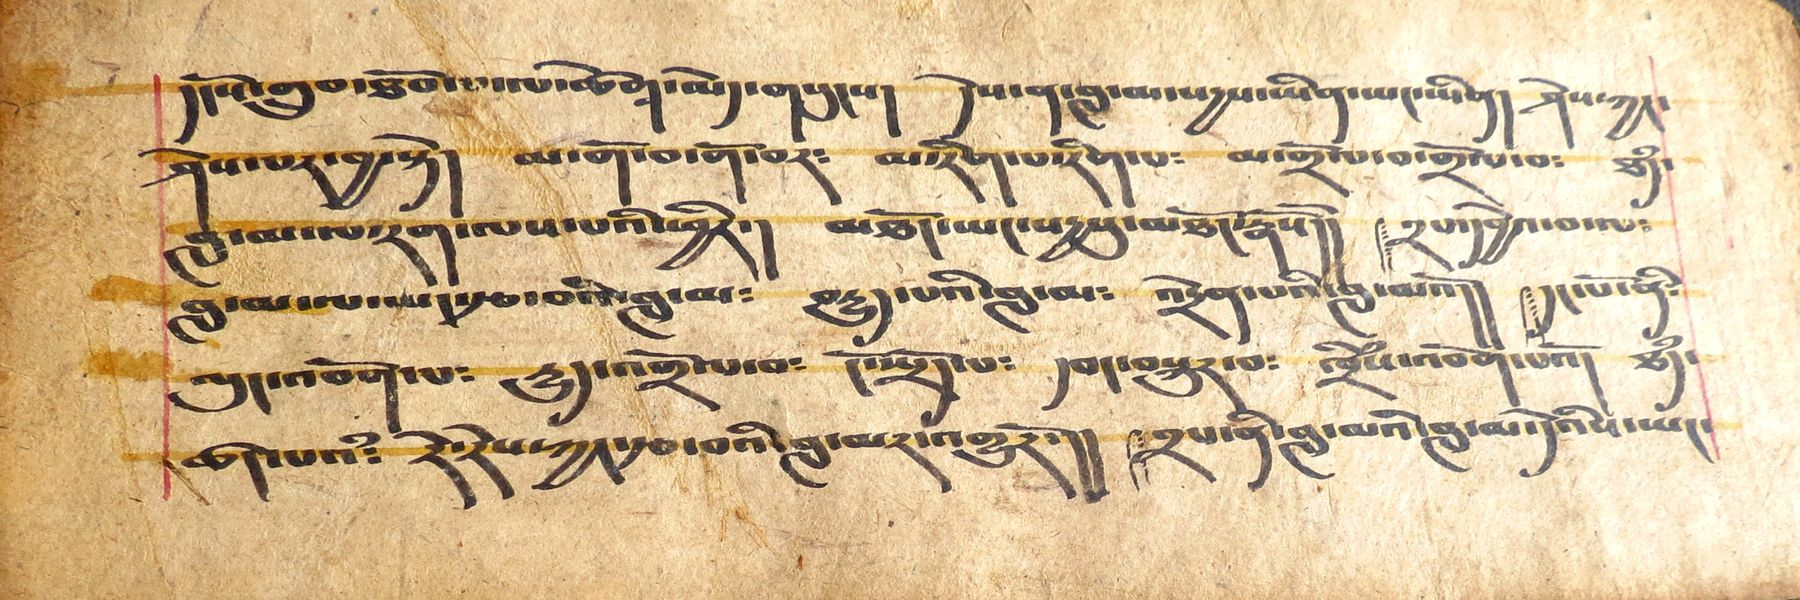ཀྱང་དངོས་གྲུབ་ཐོབ་པ་ལ་ཚེགས་མེད་གསུངས། དེས་ན་བླ་མ་སངས་རྒྱས་ཡིན་ཡང་ཡིན། ཤེས་ཀྱང་
ཤེས་པར་བྱ་སྟེ། མ་གོ་བ་གོ་བ། མ་རིག་པ་ནི་རིག་པ། མ་གྲོལ་བ་ནི་གྲོལ་བ། ཐམས་ཅད་
བླ་མ་ལ་རག་ལས་པའི་ཕྱིར་མཐོང་ཡང་སངས་རྒྱས་སུ་མཐོང་དགོས་སོ། ༧གཉིས་པ་དབྱེ་བ་ལ་
བླ་མ་ལ་ཡང་རྩ་བའི་བླ་མ། བརྒྱུད་པའི་བླ་མ། འདྲེན་པའི་བླ་མའོ། དང་པོ་ནི། 
ལུང་འབོགས་པ། རྒྱུད་གྲོལ་བ། ངོ་སྤྲོད་པ། དབང་བསྐུར་བ། ཁྲིམས་འབོགས་པ་ཐམས་ཅད་
ཚང་བའམ། རེ་རེས་ཀྱང་རྩ་བའི་བླ་མར་འགྱུར་རོ། གཉིས་པ་ནི་བླ་མའི་བླ་མ་དེའི་ཡང་